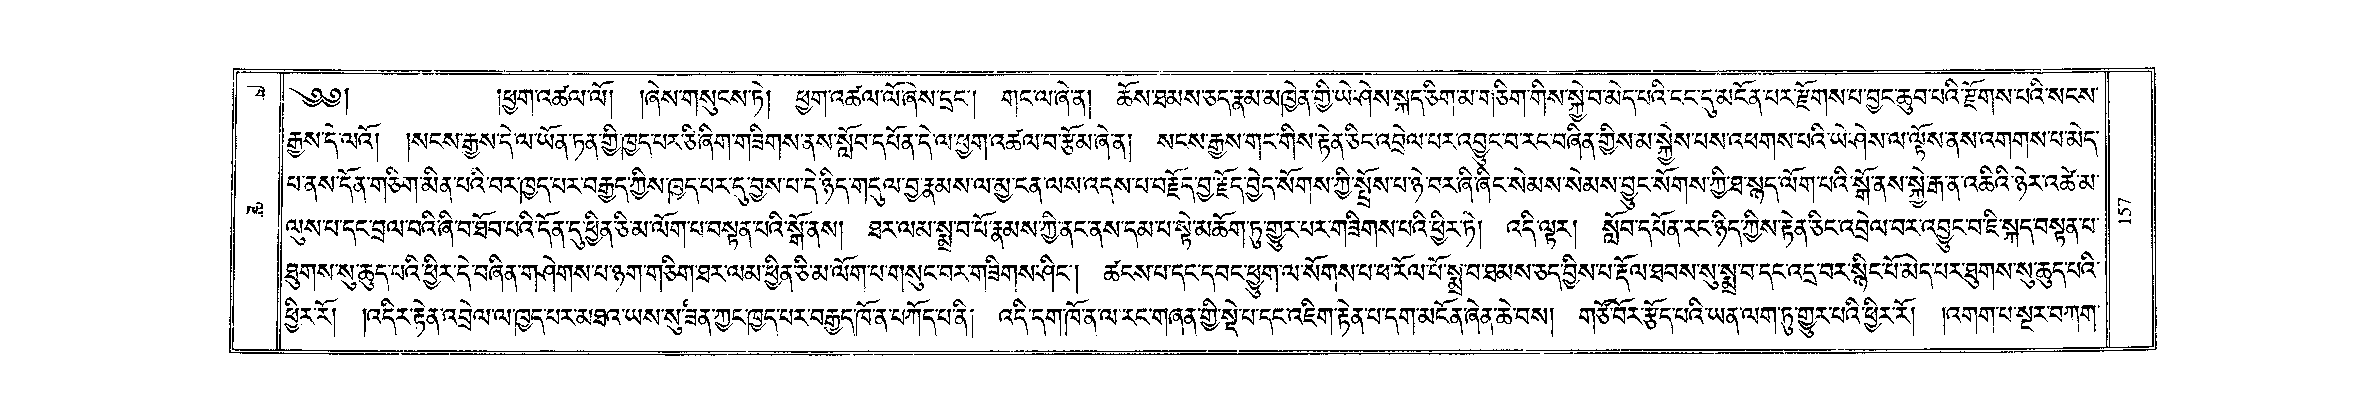༄༅། །ཕྱག་འཚལ་ལོ། །ཞེས་གསུངས་ཏེ། ཕྱག་འཚལ་ལོ་ཞེས་དྲང་། གང་ལ་ཞེ་ན། ཆོས་ཐམས་ཅད་རྣམ་མཁྱེན་གྱི་ཡེ་ཤེས་སྐད་ཅིག་མ་གཅིག་གིས་སྐྱེ་བ་མེད་པའི་ངང་དུ་མངོན་པར་རྫོགས་པ་བྱང་ཆུབ་པའི་རྫོགས་པའི་སངས་
རྒྱས་དེ་ལའོ། །སངས་རྒྱས་དེ་ལ་ཡོན་ཏན་གྱི་ཁྱད་པར་ཅི་ཞིག་གཟིགས་ནས་སློབ་དཔོན་དེ་ལ་ཕྱག་འཚལ་བ་རྩོམ་ཞེ་ན། སངས་རྒྱས་གང་གིས་རྟེན་ཅིང་འབྲེལ་པར་འབྱུང་བ་རང་བཞིན་གྱིས་མ་སྐྱེས་པས་འཕགས་པའི་ཡེ་ཤེས་ལ་ལྟོས་ནས་འགགས་པ་མེད་
པ་ནས་དོན་གཅིག་མིན་པའི་བར་ཁྱད་པར་བརྒྱད་ཀྱིས་ཁྱད་པར་དུ་བྱས་པ་དེ་ཉིད་གདུལ་བྱ་རྣམས་ལ་མྱ་ངན་ལས་འདས་པ་བརྗོད་བྱ་རྗོད་བྱེད་སོགས་ཀྱི་སྤྲོས་པ་ཉེ་བར་ཞི་ཞིང་སེམས་སེམས་བྱུང་སོགས་ཀྱི་ཐ་སྙད་ལོག་པའི་སྒོ་ནས་སྐྱེ་རྒ་ན་འཆིའི་ཉེར་འཚེམ་
ལུས་པ་དང་བྲལ་བའི་ཞི་བ་ཐོབ་པའི་དོན་དུ་ཕྱིན་ཅི་མ་ལོག་པ་བསྟན་པའི་སྒོ་ནས། ཐར་ལམ་སྨྲ་བ་པོ་རྣམས་ཀྱི་ནང་ནས་དམ་པ་སྟེ་མཆོག་ཏུ་གྱུར་པར་གཟིགས་པའི་ཕྱིར་ཏེ། འདི་ལྟར། སློབ་དཔོན་རང་ཉིད་ཀྱིས་རྟེན་ཅིང་འབྲེལ་བར་འབྱུང་བ་ཇི་སྐད་བསྟན་པ་
ཐུགས་སུ་ཆུད་པའི་ཕྱིར་དེ་བཞིན་གཤེགས་པ་ཉག་གཅིག་ཐར་ལམ་ཕྱིན་ཅི་མ་ལོག་པ་གསུང་བར་གཟིགས་ཤིང་། ཚངས་པ་དང་དབང་ཕྱུག་ལ་སོགས་པ་ཕ་རོལ་པོ་སྨྲ་བ་ཐམས་ཅད་བྱིས་པ་རྡོལ་ཐབས་སུ་སྨྲ་བ་དང་འདྲ་བར་སྙིང་པོ་མེད་པར་ཐུགས་སུ་ཆུད་པའི་
ཕྱིར་རོ། །འདིར་རྟེན་འབྲེལ་ལ་ཁྱད་པར་མཐའ་ཡས་སུ་ཟིན་ཀྱང་ཁྱད་པར་བརྒྱད་ཁོ་ན་བཀོད་པ་ནི། འདི་དག་ཁོ་ན་ལ་རང་གཞན་གྱི་སྡེ་པ་དང་འཇིག་རྟེན་པ་དག་མངོན་ཞེན་ཆེ་བས། གཙོ་བོར་རྩོད་པའི་ཡན་ལག་ཏུ་གྱུར་པའི་ཕྱིར་རོ། །འགག་པ་སྔར་བཀག་